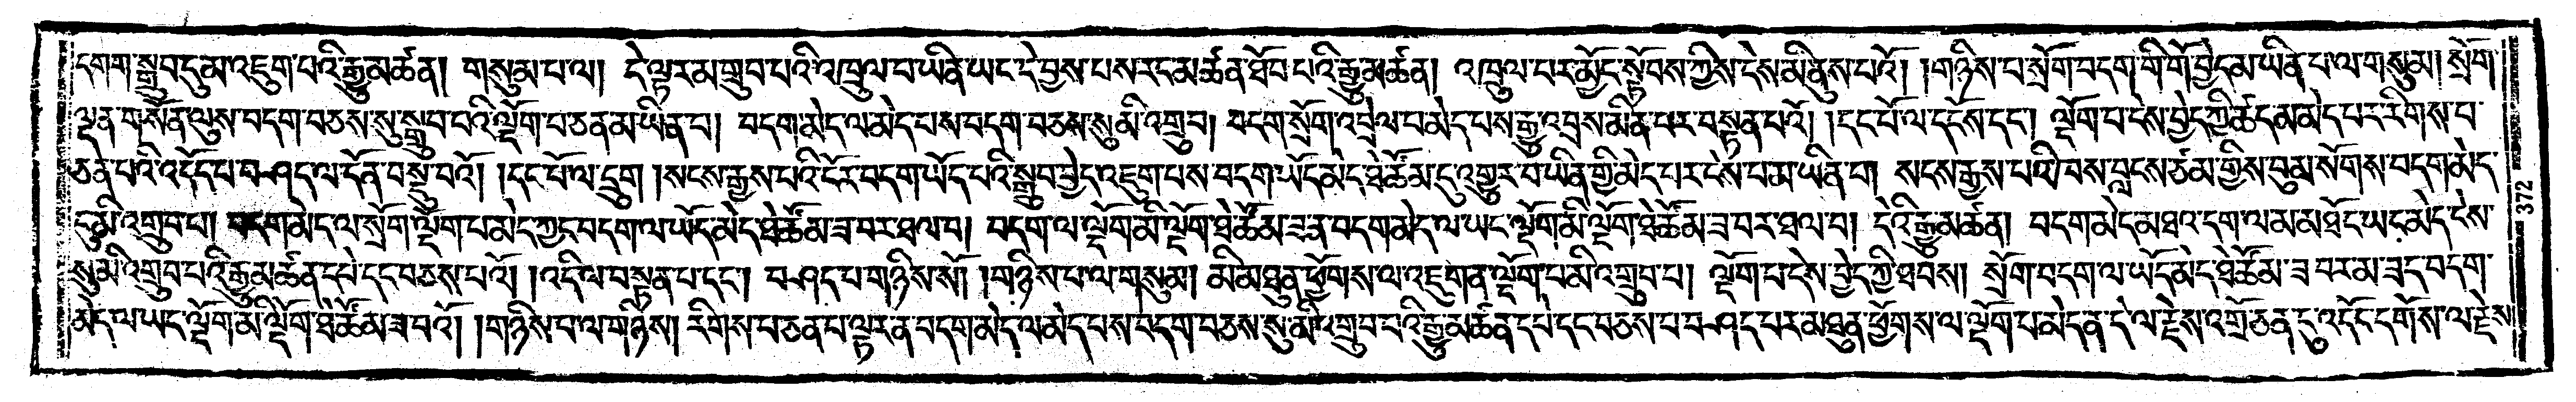དགག་སྒྲུབ་དུ་མ་འཇུག་པའི་རྒྱུ་མཚན། གསུམ་པ་ལ། དེ་ལྟར་མ་གྲུབ་པའི་འཁྲུལ་བ་ཡིན་ཡང་དེ་བྱས་པས་རང་མཚན་ཐོབ་པའི་རྒྱུ་མཚན། འཁྲུལ་བར་མྱོང་སྟོབས་ཀྱིས་དེས་མི་ནུས་པའོ། །གཉིས་པ་སྲོག་བདག་གི་གོ་བྱེད་མ་ཡིན་པ་ལ་གསུམ། སྲོག་
ལྡན་གསོན་ལུས་བདག་བཅས་སུ་སྒྲུབ་པའི་ལྡོག་པ་ཅན་མ་ཡིན་པ། བདག་མེད་ལ་མེད་པས་བདག་བཅས་སུ་མི་འགྲུབ། བདག་སྲོག་འབྲེལ་པ་མེད་པས་རྒྱུ་འབྲས་མིན་པར་བསྟན་པའོ། །དང་པོ་ལ་དངོས་དང་། ལྡོག་པ་ངེས་བྱེད་ཀྱི་ཚད་མ་མེད་པར་རིགས་པ་
ཅན་པའི་འདོད་པ་བཤད་ལ་དོན་བསྡུ་པའོ། །དང་པོ་ལ་དྲུག །སངས་རྒྱས་པའི་ངོར་བདག་ཡོད་པའི་སྒྲུབ་བྱེད་འཇུག་པས་བདག་ཡོད་མེད་ཐེ་ཚོམ་དུ་འགྱུར་བ་ཡིན་གྱི་མེད་པར་ངེས་པ་མ་ཡིན་པ། སངས་རྒྱས་པའི་ཁས་བླངས་ཙམ་གྱིས་བུམ་སོགས་བདག་མེད་
དུ་མི་འགྲུབ་པ། བདག་མེད་ལ་སྲོག་ལྡོག་པ་མེད་ཀྱང་བདག་ལ་ཡོད་མེད་ཐེ་ཚོམ་ཟ་བར་ཐལ་བ། བདག་ལ་ལྡོག་མི་ལྡོག་ཐེ་ཚོམ་ཟ་ན་བདག་མེད་ལ་ཡང་ལྡོག་མི་ལྡོག་ཐེ་ཚོམ་ཟ་བར་ཐལ་བ། དེའི་རྒྱུ་མཚན། བདག་མེད་མཐའ་དག་ལ་མ་མཐོང་ཡང་མེད་ངེས་
སུ་མི་འགྲུབ་པའི་རྒྱུ་མཚན་དཔེ་དང་བཅས་པའོ། །འདི་ལ་བསྟན་པ་དང་། བཤད་པ་གཉིས་སོ། །གཉིས་པ་ལ་གསུམ། མི་མཐུན་ཕྱོགས་ལ་འཇུག་ན་ལྡོག་པ་མི་འགྲུབ་པ། ལྡོག་པ་ངེས་བྱེད་ཀྱི་ཐབས། སྲོག་བདག་ལ་ཡོད་མེད་ཐེ་ཚོམ་ཟ་བར་མ་ཟད་བདག་
མེད་ལ་ཡང་ལྡོག་མི་ལྡོག་ཐེ་ཚོམ་ཟ་བའོ། །གཉིས་པ་ལ་གཉིས། རིགས་པ་ཅན་པ་ལྟར་ན་བདག་མེད་ལ་མེད་པས་བདག་བཅས་སུ་མི་འགྲུབ་པའི་རྒྱུ་མཚན་དཔེ་དང་བཅས་པ་བཤད་པར་མཐུན་ཕྱོགས་ལ་ལྡོག་པ་མེད་ན་དེ་ལ་རྗེས་འགྲོ་ཅན་དུ་འདོད་དགོས་ལ་རྗེས་